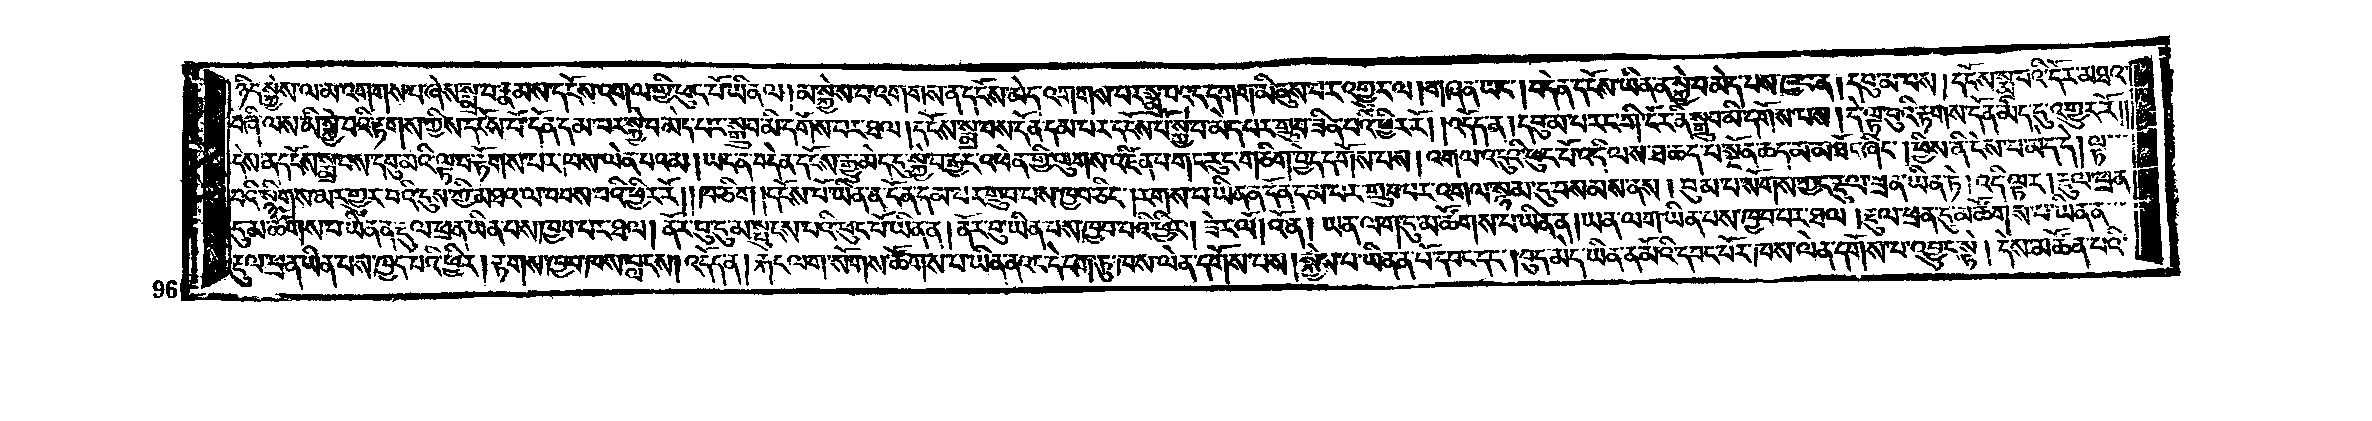ཉིད་སྐྱེས་ལ་མ་འགགས་པ་ཞེས་སྨྲ་བ་རྣམས་དངོས་འགལ་གྱི་ཕུང་པོ་ཡིན་ལ། མ་སྐྱེས་པ་འགགས་ན་དངོས་མེད་འགགས་པར་སྨྲ་བའང་དགག་མི་ནུས་པར་འགྱུར་ལ། གཞན་ཡང་། བདེན་དངོས་ཡིན་ན་སྐྱེ་བ་མེད་པས་ཁྱབ་ན། དབུ་མ་པས། དངོས་སྨྲ་བའི་དོར་མཐའ་
བཞི་ལས་མི་སྐྱེ་བའི་རྟགས་ཀྱིས་དངོས་པོ་དོན་དམ་པར་སྐྱེ་བ་མེད་པར་སྒྲུབ་མི་དགོས་པར་ཐལ། དངོས་སྨྲ་བས་དོན་དམ་པར་དངོས་པོ་སྐྱེ་བ་མེད་པར་གྲུབ་ཟིན་པའི་ཕྱིར་རོ། །འདོད་ན། དབུ་མ་པ་རང་གི་ངོར་ནི་སྒྲུབ་མི་དགོས་པས། དེ་ལྟ་བུའི་རྟགས་དོན་མེད་དུ་འགྱུར་རོ།།
དེས་ན་དངོས་སྨྲ་བས་དབུ་མའི་ལྟ་བ་རྟོགས་པར་ཁས་ལེན་པའམ། ཡང་ན་བདེན་དངོས་རྒྱུ་མེད་དུ་སྐྱེ་བ་རྒྱང་འཕེན་གྱི་ལུགས་འཛིན་པ་གང་རུང་གཅིག་བྱེད་དགོས་པས། འགལ་འདུའི་ཕུང་པོ་འདི་ལས་ཐ་ཆད་པ་སྔོན་ཆད་མ་མཐོང་ཞིང་། ཕྱིས་ནི་ངེས་པ་མེད་དེ། ལྟ་
བའི་སྙིགས་མར་གྱུར་བའི་དུས་ཀྱི་མཐའ་ལ་བབས་པའི་ཕྱིར་རོ། །ཁ་ཅིག །དངོས་པོ་ཡིན་ན་དོན་དམ་པར་གྲུབ་པས་ཁྱབ་ཅིང་། རགས་པ་ཡིན་ན་དོན་དམ་པར་གྲུབ་པར་འགལ་སྙམ་དུ་བསམས་ནས། བུམ་པ་སོགས་ཀྱང་རྡུལ་ཕྲན་ཡིན་ཏེ། འདི་ལྟར། རྡུལ་ཕྲན་
དུ་མ་ཚོགས་པ་ཡིན་ན་རྡུལ་ཕྲན་ཡིན་པས་ཁྱབ་པར་ཐལ། ནོར་བུ་དུ་མ་སྤུངས་པའི་ཕུང་པོ་ཡིན་ན། ནོར་བུ་ཡིན་པས་ཁྱབ་པའི་ཕྱིར། ཟེར་ལོ། འོ་ན། ཡན་ལག་དུ་མ་ཚོགས་པ་ཡིན་ན། ཡན་ལག་ཡིན་པས་ཁྱབ་པར་ཐལ། རྡུལ་ཕྲན་དུ་མ་ཚོགས་པ་ཡིན་ན་
རྡུལ་ཕྲན་ཡིན་པས་ཁྱབ་པའི་ཕྱིར། རྟགས་ཁྱབ་ཁས་བླངས། འདོད་ན། རྐང་ལག་སོགས་ཚོགས་པ་ཡིན་ནའང་དེ་དག་ཏུ་ཁས་ལེན་དགོས་པས། སྐྱེས་པ་ཡིན་ན་པོ་དབང་དང་། བུད་མེད་ཡིན་ན་མོའི་དབང་པོར་ཁས་ལེན་དགོས་པ་འབྱུང་སྟེ། དེས་མཚོན་པའི་